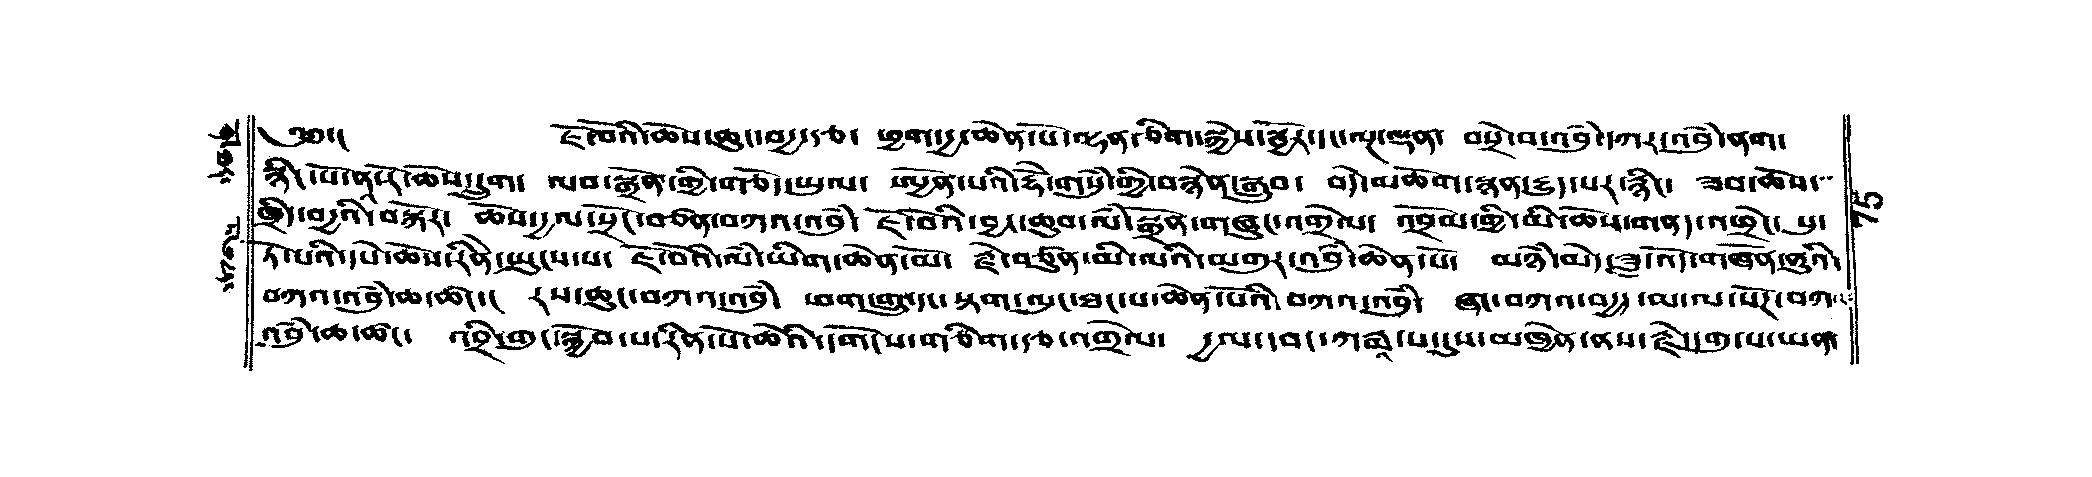ཇོ་བོའི་ཆོས་ཆུང་བརྒྱ་རྩ། ཕྱག་རྒྱ་ཆེན་པོ་ལྷན་ཅིག་སྐྱེས་སྦྱོར་དང་ལྔ་ལྡན།བསྲེ་བ་འབུམ་དཀར་འབུམ་ནག 
སྙིང་པོ་ནཱ་རོ་ཆོས་དྲུག ལབ་སྒྲོན་གྱི་གཅོད་ཡུལ། ཨོ་རྒྱན་པའི་རྡོ་རྗེ་གསུམ་གྱི་བསྙེན་སྒྲུབ། བདེ་མཆོག་སྙན་རྒྱུད་གསར་རྙིང་། ཟབ་ཆོས་
ཁྲིད་བརྒྱའི་བསྐོར། ཆོས་རྒྱལ་སྲོང་བཙན་བཀའ་འབུམ། ཇོ་བོའི་བྱང་ཆུབ་ལམ་སྒྲོན་གཞུང་འགྲེལ། འབྲོམ་གྱི་མི་ཆོས་གནད་ཕྲེང་། པུ་
ཏོ་པའི་དཔེ་ཆོས་རིན་ཆེན་སྤུངས་པ། ཇོ་བོའི་ལམ་ཡིག་ཆེན་མོ། རྗེ་བཙུན་མི་ལའི་མགུར་འབུམ་ཆེན་མོ། མཉམ་མེད་ཟླ་འོད་གཞོན་ནུའི་
བཀའ་འབུམ་ཆ་ཚང་། རས་ཆུང་བཀའ་འབུམ། ཕག་གྲུ་དང་སྟག་ལུང་ཐང་པ་ཆེན་པོའི་བཀའ་འབུམ། ཞང་བཀའ་བརྒྱད་མ་ལ་སོགས་བཀའ་
འབུམ་ཆ་ཚང་། འབྲི་གུང་སྐྱོབ་པ་རིན་པོ་ཆེའི་དགོངས་གཅིག་རྩ་འགྲེལ། རྒྱལ་དབང་ཀརྨ་པ་དུས་མཁྱེན་ནས་རྗེ་དགུ་པ་ཡན་